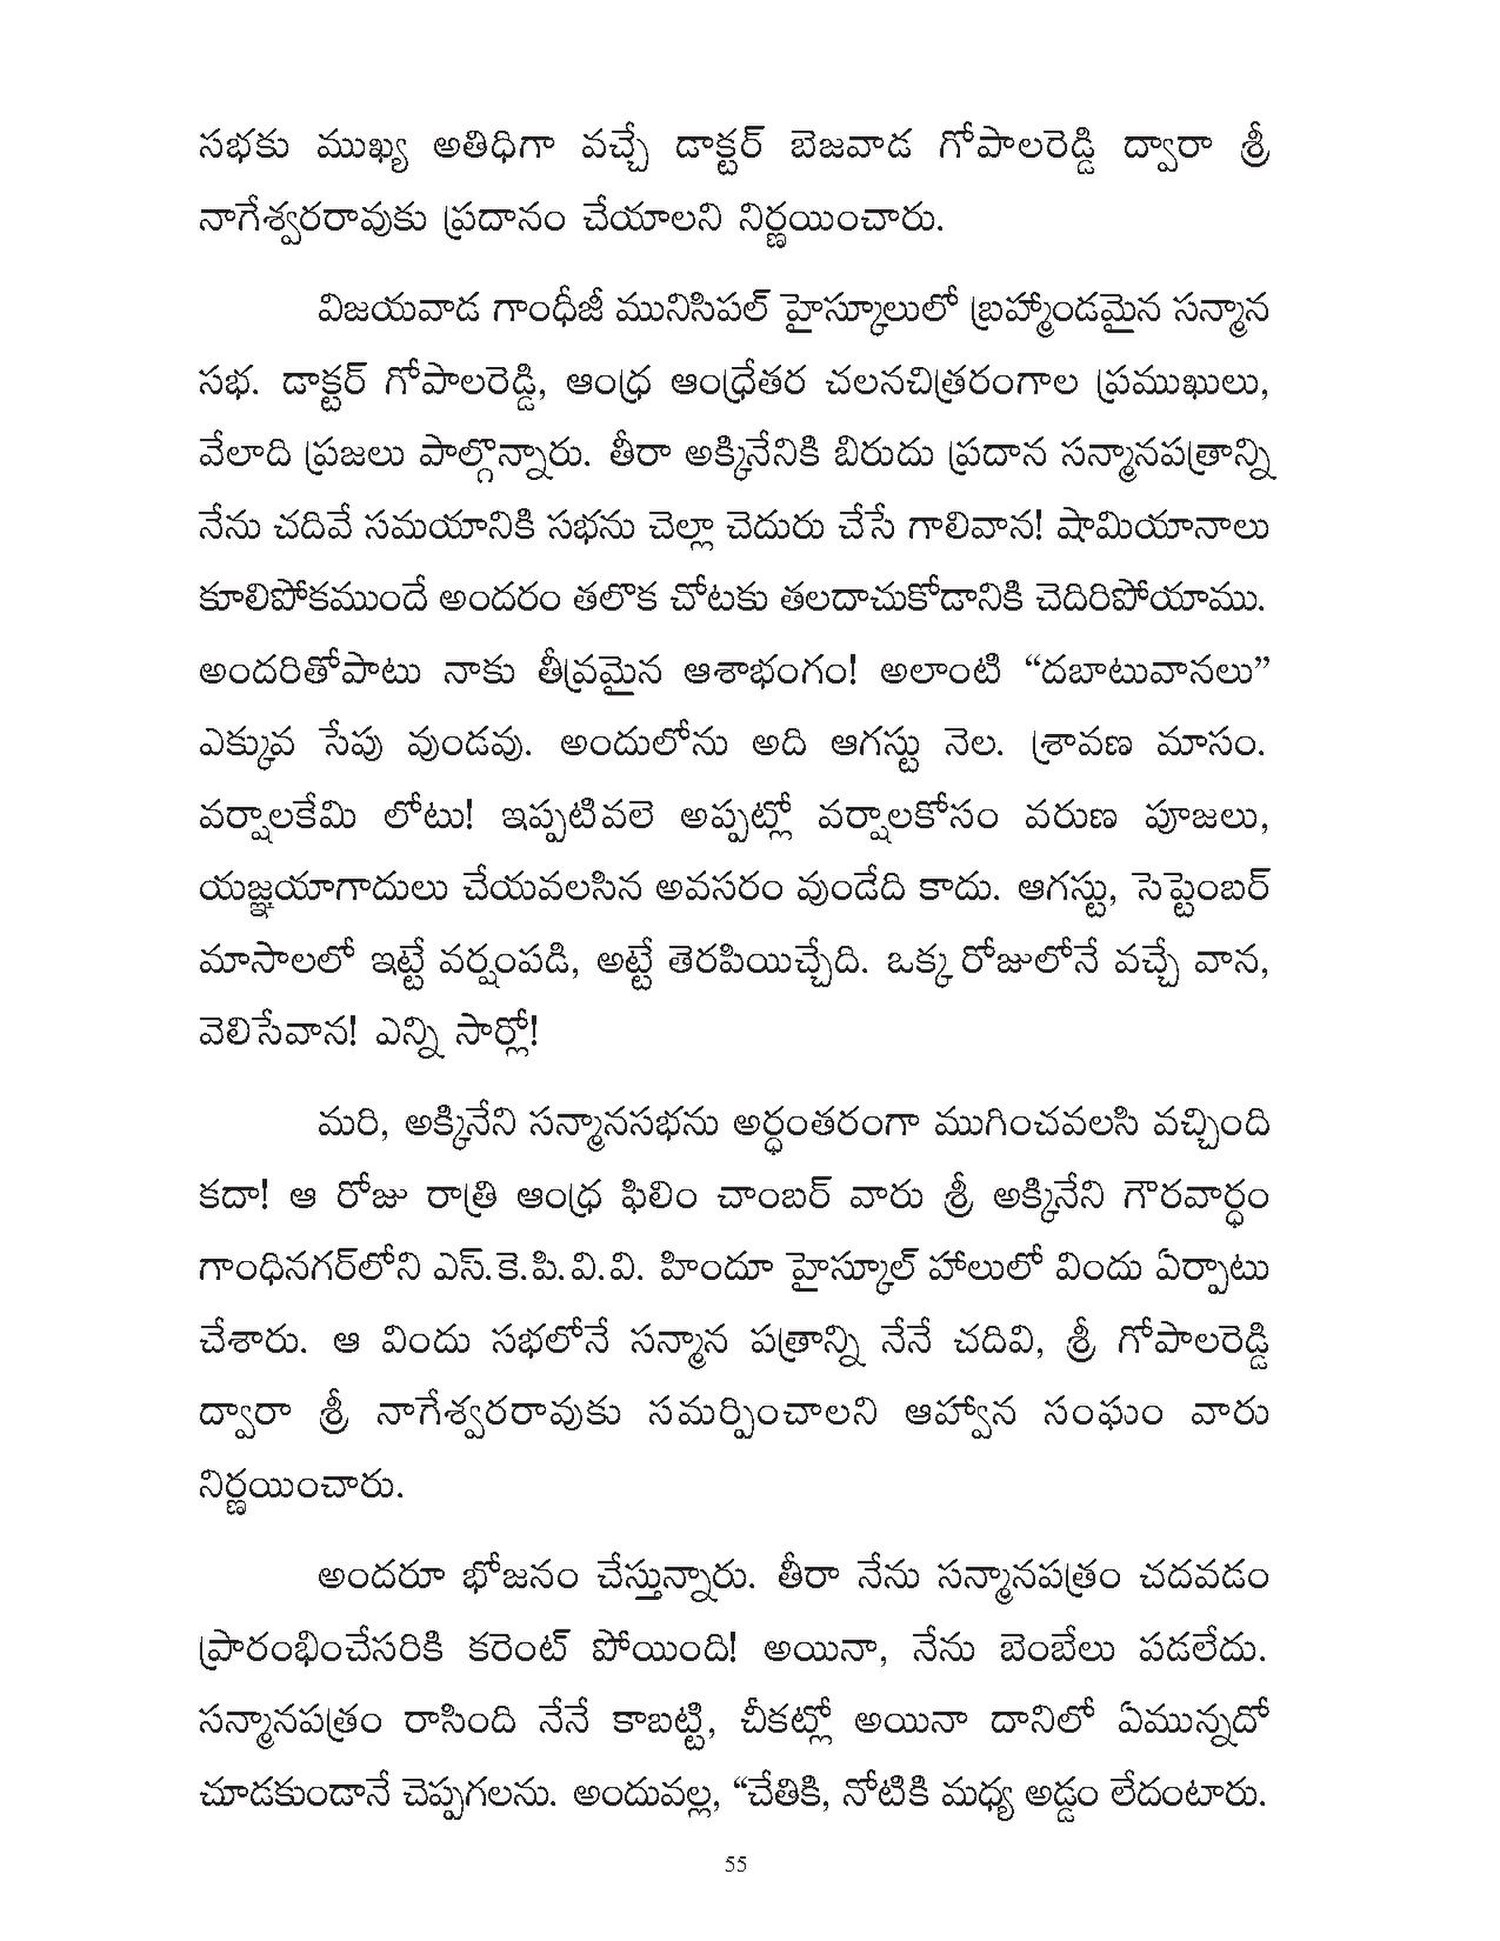సభకు ముఖ్య అతిధిగా వచ్చే డాక్టర్ బెజవాడ గోపాలరెడ్డి ద్వారా శ్రీ
నాగేశ్వరరావుకు ప్రదానం చేయాలని నిర్ణయించారు.

విజయవాడ గాంధీజీ మునిసిపల్‌ హైస్కూలులో బ్రహ్మాండమైన సన్మాన
సభ. డాక్టర్ గోపాలరెడ్డి, ఆంధ్ర ఆంధ్రేతర చలనచిత్రరంగాల ప్రముఖులు,
వేలాది ప్రజలు పాల్గొన్నారు. తీరా అక్కినేనికి బిరుదు ప్రదాన సన్మానపత్రాన్ని
నేను చదివే సమయానికి సభను చెల్లా చెదురు చేసే గాలివాన! షామియానాలు
కూలిపోకముందే అందరం తలొక చోటకు తలదాచుకోడానికి చెదిరిపోయాము.
అందరితోపాటు నాకు తీవ్రమైన ఆశాభంగం! అలాంటి "దబాటువానలు"
ఎక్కువ సేపు వుండవు. అందులోను అది ఆగస్టు నెల. శ్రావణ మాసం.
వర్షాలకేమి లోటు! ఇప్పటివలె అప్పట్లో వర్షాలకోసం వరుణ పూజలు,
యజ్ఞయాగాదులు చేయవలసిన అవసరం వుండేది కాదు. ఆగస్టు, సెప్టెంబర్‌
మాసాలలో ఇట్టే వర్షంపడి, అట్టే తెరపియిచ్చేది. ఒక్క రోజులోనే వచ్చే వాన,
వెలిసేవాన! ఎన్ని సార్లో!

మరి, అక్కినేని సన్మానసభను అర్ధంతరంగా ముగించవలసి వచ్చింది
కదా! ఆ రోజు రాత్రి ఆంధ్ర ఫిలిం చాంబర్‌ వారు శ్రీ అక్కినేని గౌరవార్ధం
గాంధినగర్‌లోని ఎస్‌.కె.పి.వి.వి. హిందూ హైస్కూల్‌ హాలులో విందు ఏర్పాటు
చేశారు. ఆ విందు సభలోనే సన్మాన పత్రాన్ని నేనే చదివి, శ్రీ గోపాలరెడ్డి
ద్వారా శ్రీ నాగేశ్వరరావుకు సమర్పించాలని ఆహ్వాన సంఘం వారు
నిర్ణయించారు.

అందరూ భోజనం చేస్తున్నారు. తీరా నేను సన్మానపత్రం చదవడం
ప్రారంభించేసరికి కరెంట్‌ పోయింది! అయినా, నేను బెంబేలు పడలేదు.
సన్మానపత్రం రాసింది నేనే కాబట్టి, చీకట్లో అయినా దానిలో ఏమున్నదో
చూడకుండానే చెప్పగలను. అందువల్ల, "చేతికి, నోటికి మధ్య అడ్డం లేదంటారు.